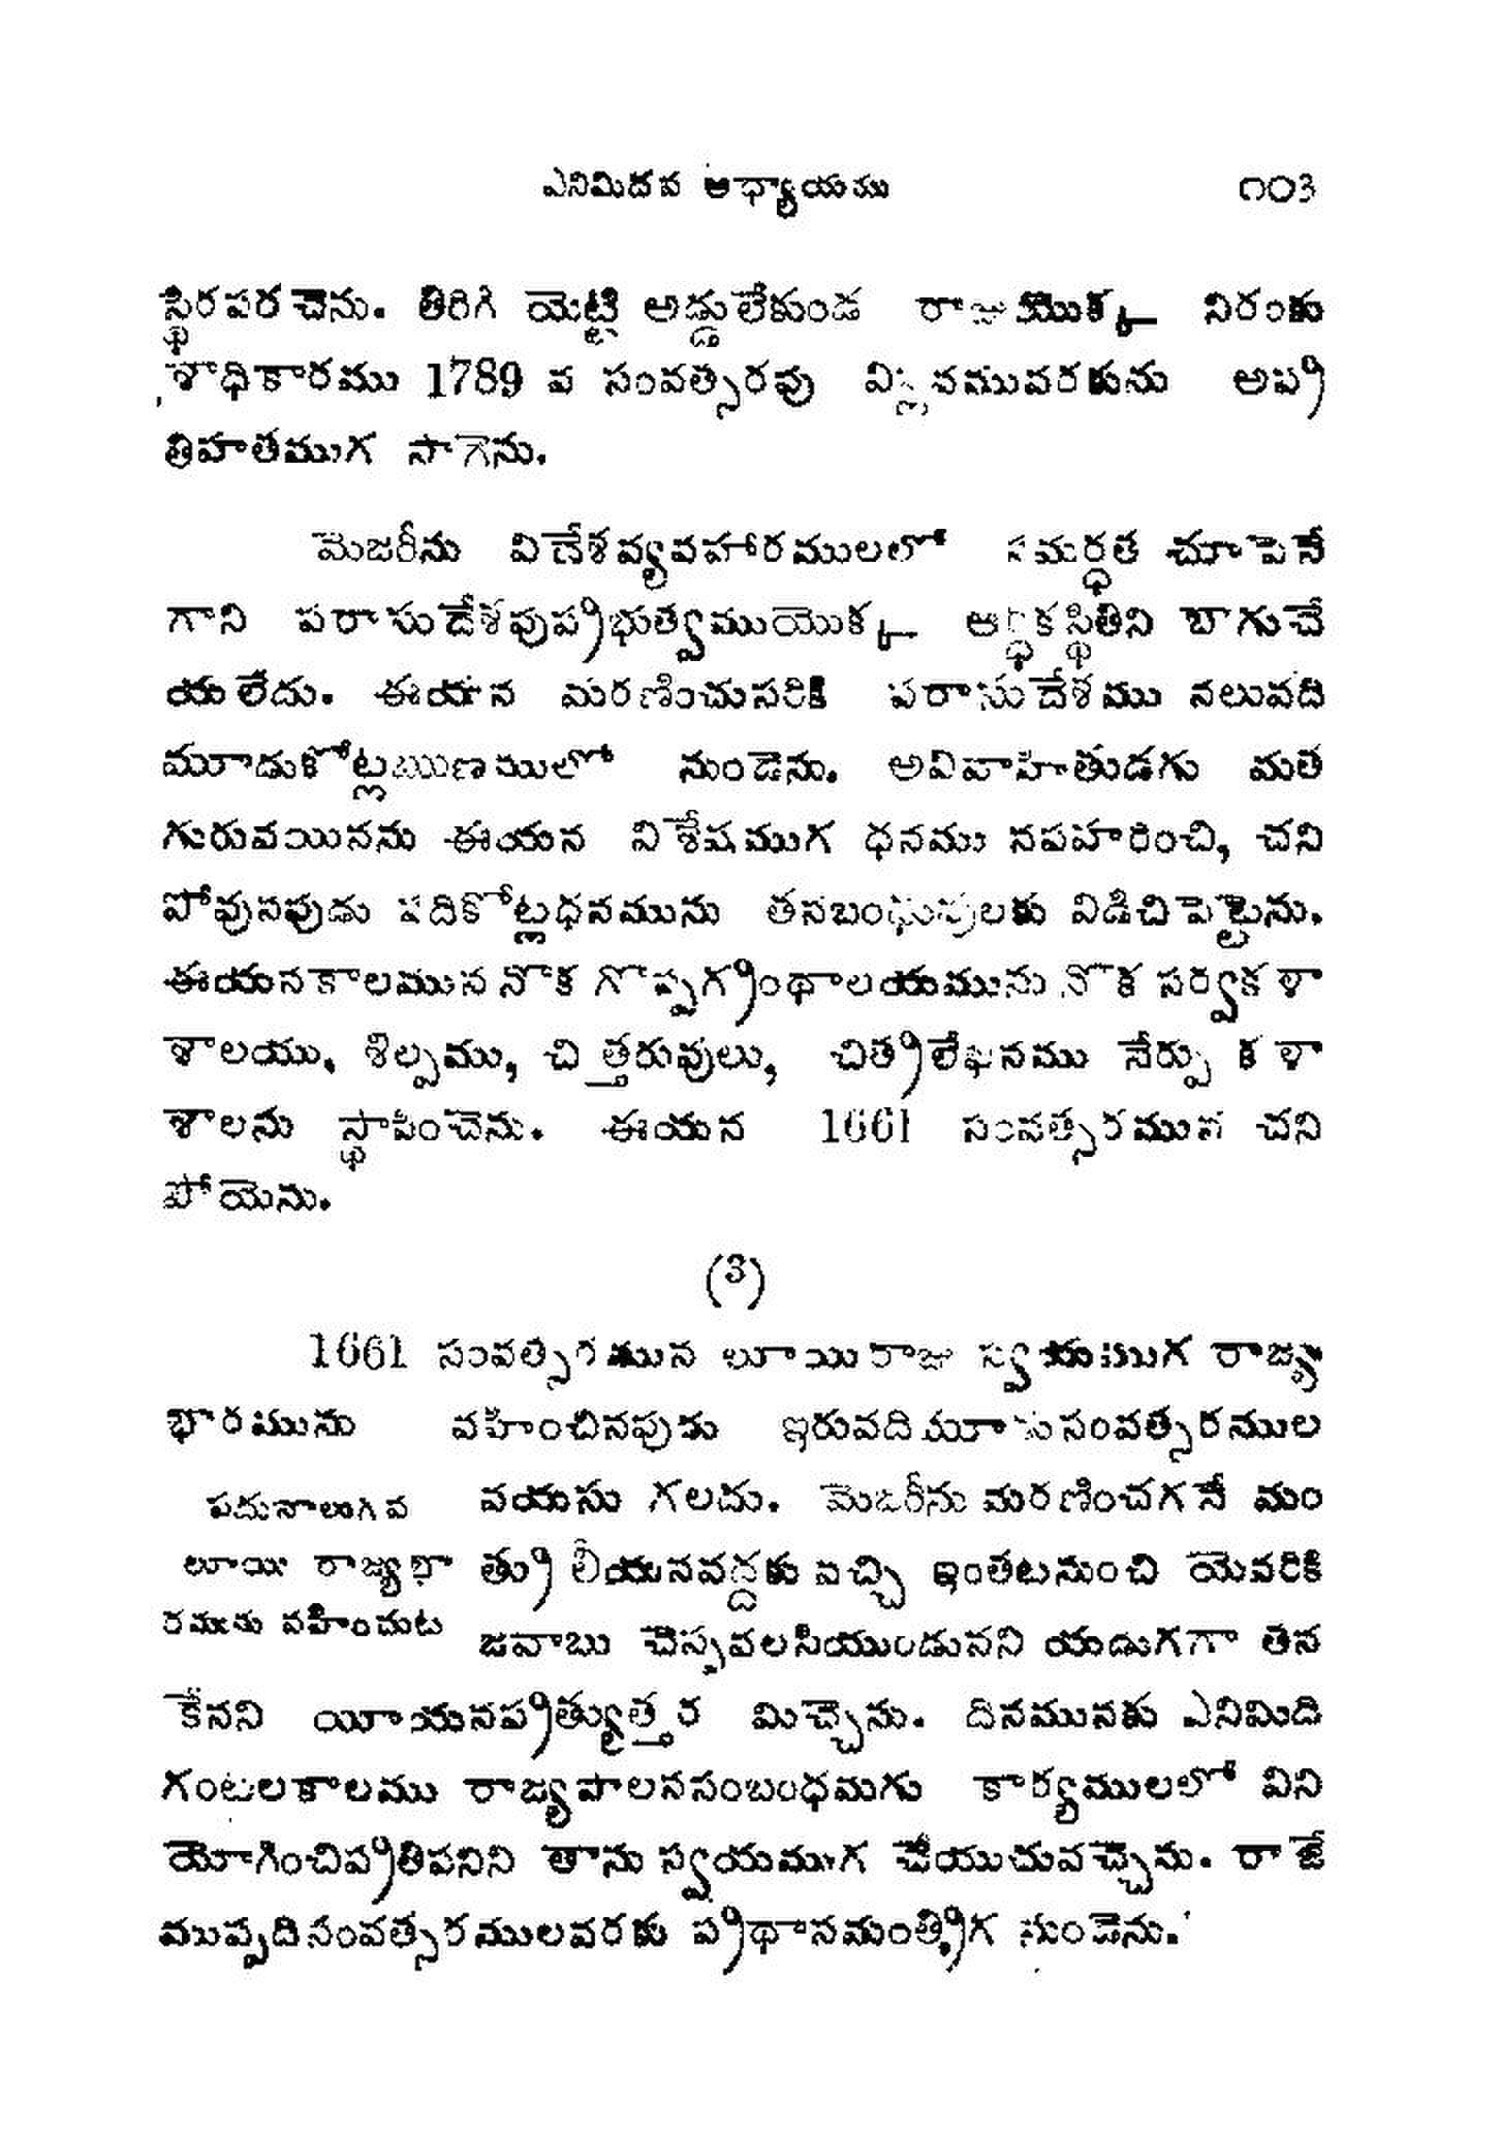స్థిరపరచెను. తిరిగి యెట్టి అడ్డు లేకుండ రాజు యొక్క
నిరంకుశాధికారము 1789 వ సంవత్సరపు విప్లవము వరకును అప్ర
తిహతముగ సాగెను.

మెజరీసు విదేశ వ్యవహారములలో సమర్ధత చూపెనే
గాని పరాసుదేశపు ప్రభుత్వము యొక్క ఆర్థిక స్థితిని బాగుచే
యలేదు. ఈయన మరణించు సరికి పరాసుదేశము నలువది
మూడుకోట్ల ఋణములో నుండెను. అవివాహితుడగు మత
గురువయినను ఈయన విశేషముగ ధనము నపహరించి, చని
పోవుసవుడు పదికోట్లధనమును తసబందువులకు విడిచి పెట్టెను,
ఈయన కాలమున నొక గొప్పగ్రంథాలయమును, నొక సర్వకళా
శాలయు, శిల్పము, చిత్తరువులు, చిత్రలేఖనము నేర్పు క ళా
శాలను స్థాపించెను. ఈయన l661 సంవత్సరమున చని పోయెను.

పదనాలగవ 
లూయి రాజ్య
భారమును వహించుట

1661 సంవత్సరమున లూయి రాజు స్వయుగ రాజ్య
భారమును వహించినపుడు ఇరువది మూడు సంవత్సరముల
వయసు గలదు. మెజరీను మరణించగనే మంత్రులీయన వద్దకు
వచ్చి ఇంతట నుంచి ఎవరికిని జవాబు చెప్పవలసియుండునని 
యడుగగా తనకేనని యీయన ప్రత్యుత్తర మిచ్చెను. దినమునకు ఎనిమిది
గంటల కాలము రాజ్యపాలన సంబంధమగు కార్యములలో విని
యోగించి ప్రతిపనిని తాసు స్వయముగ చేయుచు వచ్చెను. రాజే
ముప్పది సంవత్సరముల వరకు ప్రధానమంత్రిగ నుండెను.'